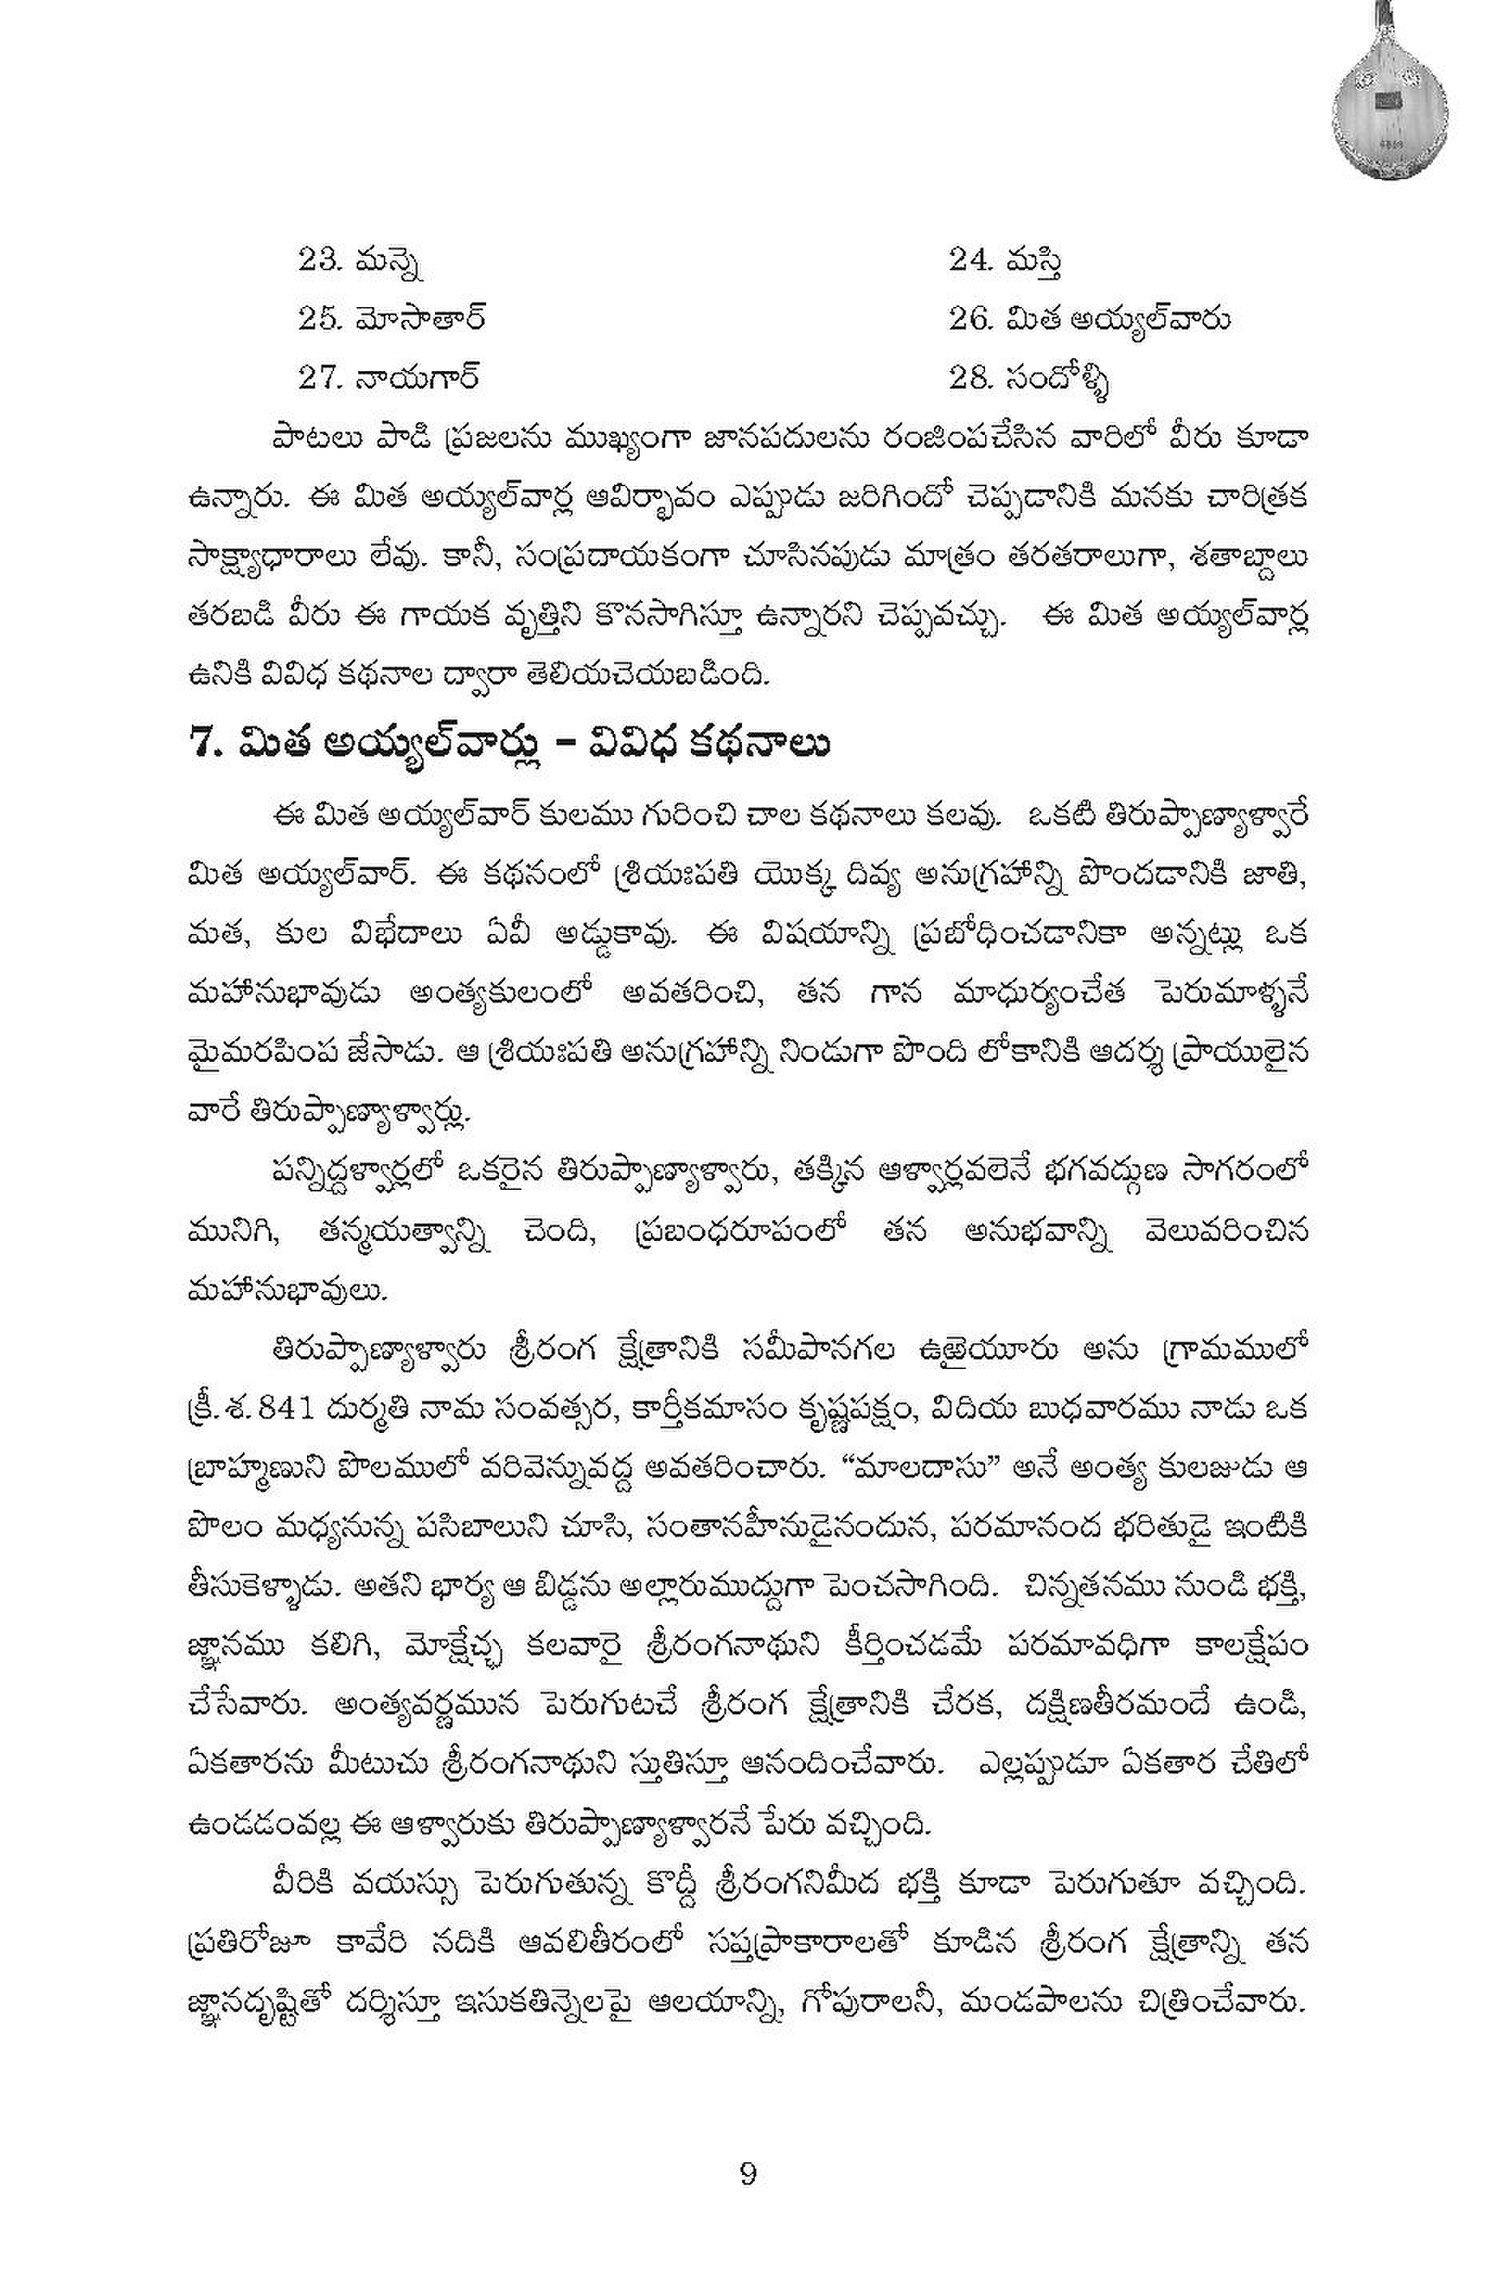పాటలు పాడి ప్రజలను ముఖ్యంగా జానపదులను రంజింపచేసిన వారిలో వీరు కూడా ఉన్నారు. ఈ మిత అయ్యల్వార్ల ఆవిర్భావం ఎప్పుడు జరిగిందో చెప్పడానికి మనకు చారిత్రక సాక్ష్యాధారాలు లేవు. కానీ, సంప్రదాయకంగా చూసినపుడు మాత్రం తరతరాలుగా, శతాబ్దాలు తరబడి వీరు ఈ గాయక వృత్తిని కొనసాగిస్తూ ఉన్నారని చెప్పవచ్చు. ఈ మిత అయ్యల్వార్ల ఉనికి వివిధ కథనాల ద్వారా తెలియచెయబడింది.

7. మిత అయ్యల్వార్లు - వివిధ కథనాలు 

ఈ మిత అయ్యల్వార్ కులము గురించి చాల కథనాలు కలవు. ఒకటి తిరుప్పాణ్యాళ్వారే మిత అయ్యల్వార్. ఈ కథనంలో శ్రియఃపతి యొక్క దివ్య అనుగ్రహాన్ని పొందడానికి జాతి, మత, కుల విభేదాలు ఏవీ అడ్డుకావు. ఈ విషయాన్ని ప్రబోధించడానికా అన్నట్లు ఒక మహానుభావుడు అంత్యకులంలో అవతరించి, తన గాన మాధుర్యంచేత పెరుమాళ్ళనే
మైమరపింప జేసాడు. ఆ శ్రియఃపతి అనుగ్రహాన్ని నిండుగా పొంది లోకానికి ఆదర్శ ప్రాయులైన వారే తిరుప్పాణ్యాళ్వార్లు.

పన్నిద్ధళ్వార్లలో ఒకరైన తిరుప్పాణ్యాళ్వారు, తక్కిన ఆళ్వార్లవలెనే భగవద్గుణ సాగరంలో మునిగి, తన్మయత్వాన్ని చెంది, ప్రబంధరూపంలో తన అనుభవాన్ని వెలువరించిన మహానుభావులు.

తిరుప్పాణ్యాళ్వారు శ్రీరంగ క్షేత్రానికి సమీపానగల ఉఖైయూరు అను గ్రామములో క్రీ.శ.841 దుర్మతి నామ సంవత్సర, కార్తీకమాసం కృష్ణపక్షం, విదియ బుధవారము నాడు ఒక బ్రాహ్మణుని పొలములో వరివెన్నువద్ద అవతరించారు. “మాలదాసు” అనే అంత్య కులజుడు ఆ పొలం మధ్యనున్న పసిబాలుని చూసి, సంతానహీనుడైనందున, పరమానంద భరితుడై ఇంటికి తీసుకెళ్ళాడు. అతని భార్య ఆ బిడ్డను అల్లారుముద్దుగా పెంచసాగింది. చిన్నతనము నుండి భక్తి,
జ్ఞానము కలిగి, మోక్షేచ్ఛ కలవారై శ్రీరంగనాథుని కీర్తించడమే పరమావధిగా కాలక్షేపం చేసేవారు. అంత్యవర్ణమున పెరుగుటచే శ్రీరంగ క్షేత్రానికి చేరక, దక్షిణతీరమందే ఉండి, ఏకతారను మీటుచు శ్రీరంగనాథుని స్తుతిస్తూ అనందించేవారు. ఎల్లప్పుడూ ఏకతార చేతిలో ఉండడంవల్ల ఈ ఆళ్వారుకు తిరుప్పాణ్యాళ్వారనే పేరు వచ్చింది.

వీరికి వయస్సు పెరుగుతున్న కొద్దీ శ్రీరంగనిమీద భక్తి కూడా పెరుగుతూ వచ్చింది. ప్రతిరోజూ కావేరి నదికి ఆవలితీరంలో సప్తప్రాకారాలతో కూడిన శ్రీరంగ క్షేత్రాన్ని తన జ్ఞానదృష్టితో దర్శిస్తూ ఇసుకతిన్నెలపై ఆలయాన్ని, గోపురాలనీ, మండపాలను చిత్రించేవారు.